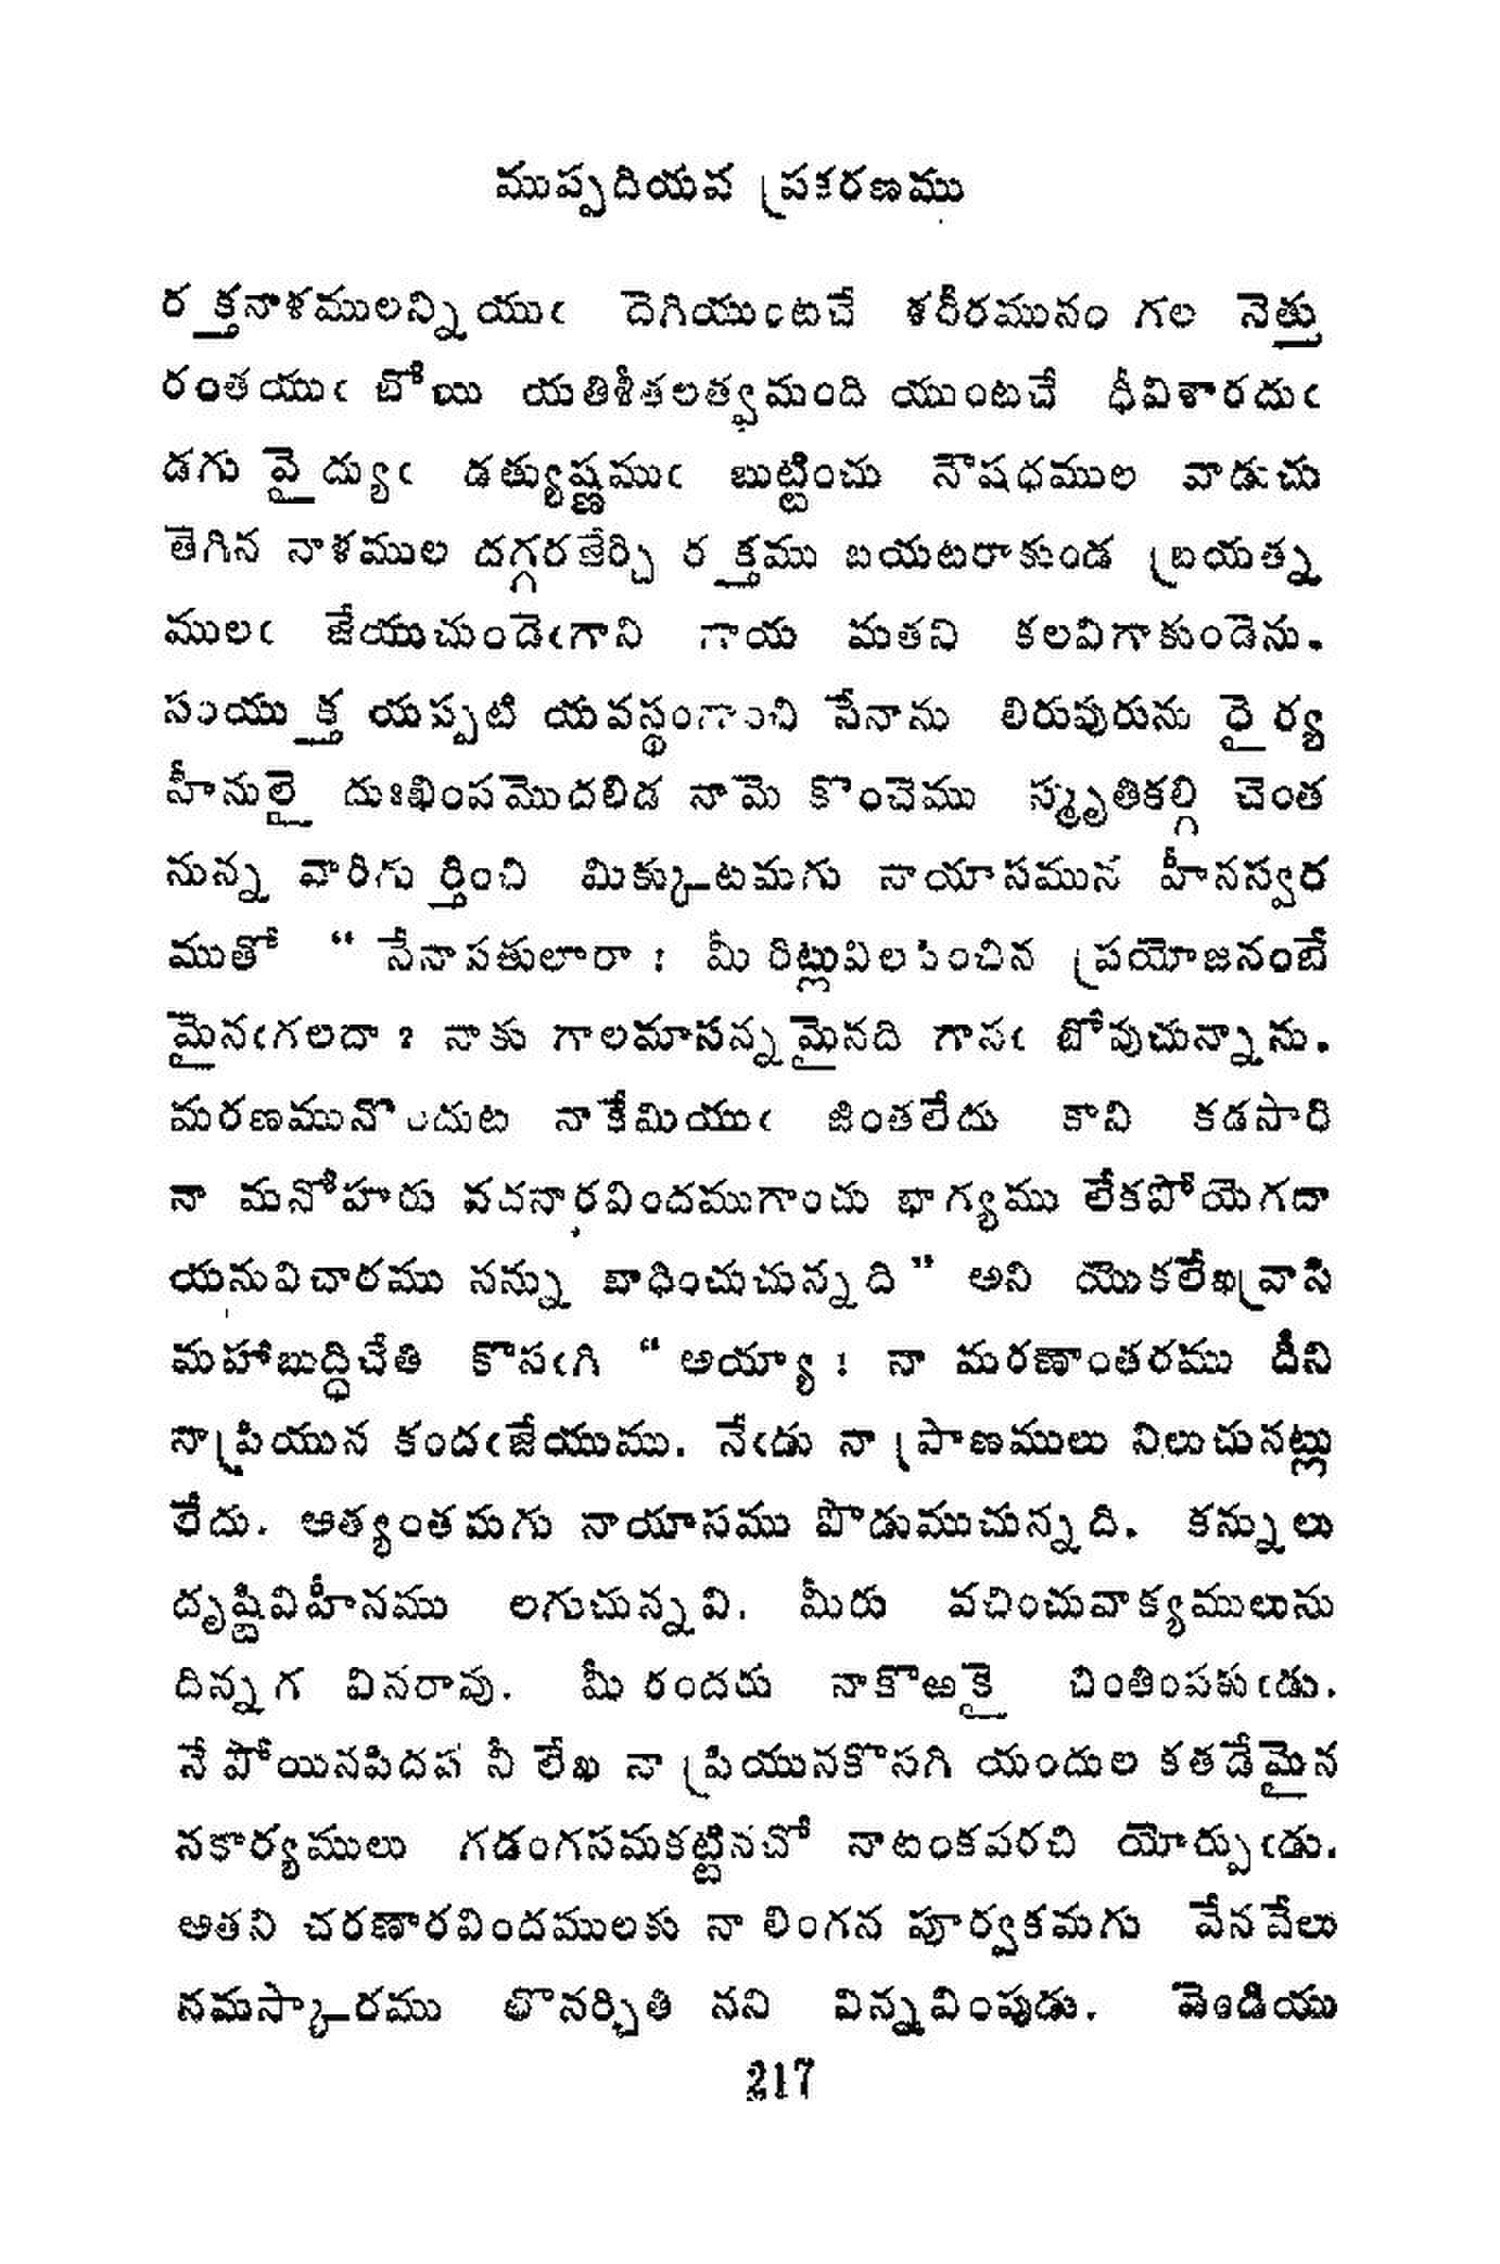రక్తనాళములన్నియుఁ దెగియుంటచే శరీరమునం గల నెత్తురంతయుఁ బోయి యతిశీతలత్వమంది యుంటచే ధీవిశారదుఁడగు వైద్యుఁ డత్యుష్ణముఁ బుట్టించు నౌషధముల వాడుచు తెగిన నాళముల దగ్గరజేర్చి రక్తము బయటరాకుండ బ్రయత్నములఁ జేయుచుండెఁగాని గాయ మతని కలవిగాకుండెను. సంయుక్త యప్పటి యవస్థంగాంచి సేనాను లిరువురును దైర్య హీనులై దుఃఖింపమొదలిడ నామె కొంచెము స్మృతికల్గి చెంతనున్న వారిగుర్తించి మిక్కుటమగు నాయాసమున హీనస్వరముతో " సేనాపతులారా ! మీ రిట్లువిలపించిన ప్రయోజనంబేమైనఁగలదా? నాకు గాలమాసన్నమైనది గానఁ బోవుచున్నాను. మరణమునొందుట నాకేమియుఁ జింతలేదు కాని కడసారి నా మనోహరు వదనారవిందముగాంచు భాగ్యము లేకపోయెగదా యనువిచారము నన్ను బాధించుచున్నది " అని యొకలేఖవ్రాసి మహాబుద్దిచేతి కొసఁగి " అయ్యా! నా మరణాంతరము దీని నాప్రియున కందఁజేయుము. నేఁడు నా ప్రాణములు నిలుచునట్లు లేదు. అత్యంతమగు నాయాసము పొడుముచున్నది. కన్నులు దృష్టివిహీనము లగుచున్నవి. మీరు వచించువాక్యములును దిన్నగ వినరావు. మీ రందరు నాకొఱకై చింతింపకుఁడు. నే పోయినపిదప నీ లేఖ నా ప్రియునకొసగి యందుల కతడేమైన నకార్యములు గడంగసమకట్టినచో నాటంకపరచి యోర్పుఁడు. అతని చరణారవిందములకు నా లింగన పూర్వకమగు వేనవేలు నమస్కారము లొనర్చితి నని విన్నవింపుడు. వెండియు